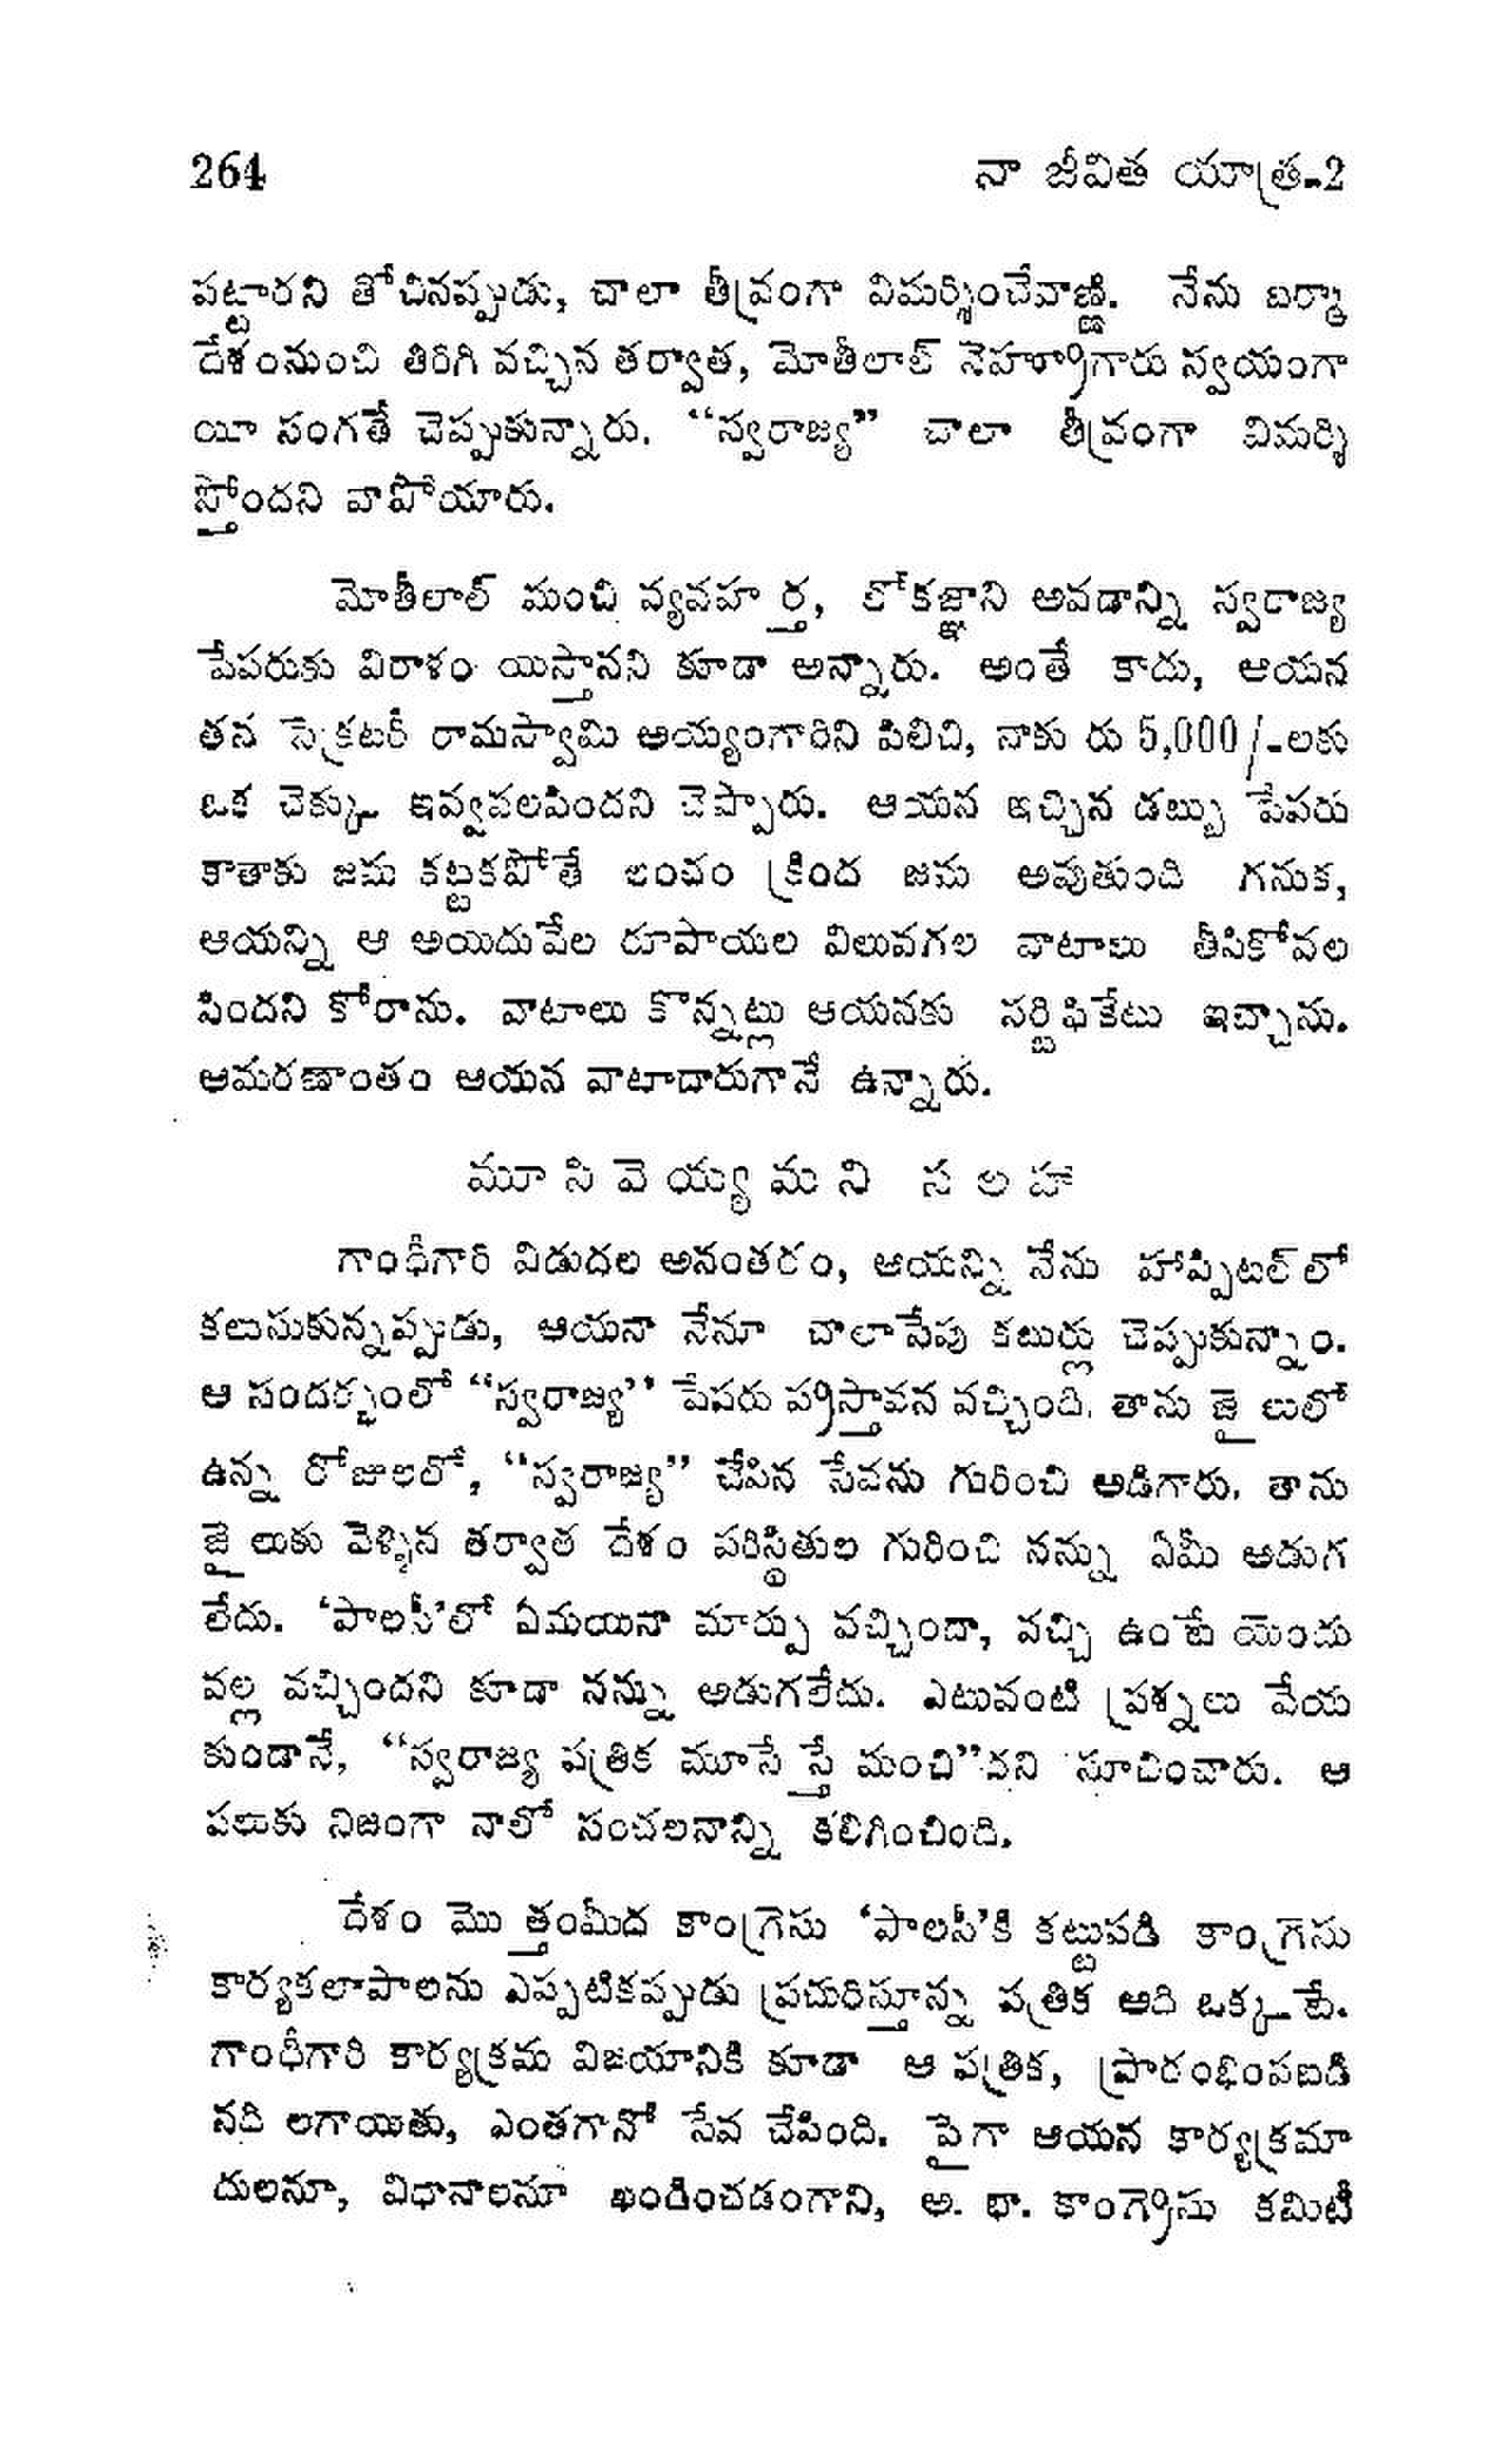పట్టారని తోచినప్పుడు, చాలా తీవ్రంగా విమర్శించేవాణ్ణి. నేను బర్మాదేశంనుంచి తిరిగి వచ్చిన తర్వాత, మోతిలాల్ నెహ్రూగారు స్వయంగా యీ సంగతే చెప్పుకున్నారు. "స్వరాజ్య" చాలా తీవ్రంగా విమర్శిస్తోందని వాపోయారు.

మోతిలాల్ మంచి వ్యవహర్త, లోకజ్ఞాని అవడాన్ని స్వరాజ్య పేపరుకు విరాళం యిస్తానని కూడా అన్నారు. అంతే కాదు, ఆయన తన సెక్రటరీ రామస్వామి అయ్యంగారిని పిలిచి, నాకు రు 5000/- లకు ఒక చెక్కు ఇవ్వవలసిందని చెప్పారు. ఆయన ఇచ్చిన డబ్బు పేపరు కాతాకు జమ కట్టకపోతే లంచం క్రింద జమ అవుతుంది గనుక, ఆయన్ని ఆ అయిదువేల రూపాయల విలువగల వాటాలు తీసికోవలసిందని కోరాను. వాటాలు కొన్నట్లు ఆయనకు సర్టిపికేటు ఇచ్చాను. ఆమరణాంతం ఆయన వాటాదారుగానే ఉన్నారు.

గాంధీగారి విడుదల అనంతరం, ఆయన్ని నేను హాస్పిటల్‌లో కలుసుకున్నప్పుడు, ఆయనా నేనూ చాలాసేపు కబుర్లు చెప్పుకున్నాం. ఆ సందర్భంలో "స్వరాజ్య" పేపరు ప్రస్తావన వచ్చింది. తాను జైలులో ఉన్న రోజులలో, "స్వరాజ్య" చేసిన సేవను గురించి అడిగారు. తాను జైలుకు వెళ్ళిన తర్వాత దేశం పరిస్థితుల గురించి నన్ను ఏమి అడుగ లేదు. "పాలసీ"లో ఏమయినా మార్పు వచ్చిందా, వచ్చి ఉంటే యెందువల్ల వచ్చిందని కూడా నన్ను అడుగలేదు. ఎటువంటి ప్రశ్నలు వేయకుండానే, "స్వరాజ్య పత్రిక మూసేస్తే మంచి"దని సూచించారు. ఆ పలుకు నిజంగా నాలో సంచలనాన్ని కలిగించింది.

దేశం మొత్తంమీద కాంగ్రెసు "పాలసీ"కి కట్టుబడి కాంగ్రెసు కార్యకలాపాలను ఎప్పటికప్పుడు ప్రచురిస్తూన్న పత్రిక అది ఒక్కటే. గాంధీగారి కార్యక్రమ విజయానికి కూడా ఆ పత్రిక, ప్రారంభింపబడినది లగాయితు, ఎంతగానో సేవ చేసింది. పైగా ఆయన కార్యక్రమాదులనూ, విధానాలనూ ఖండించడంగాని, అ. భా. కాంగ్రెసు కమిటీ